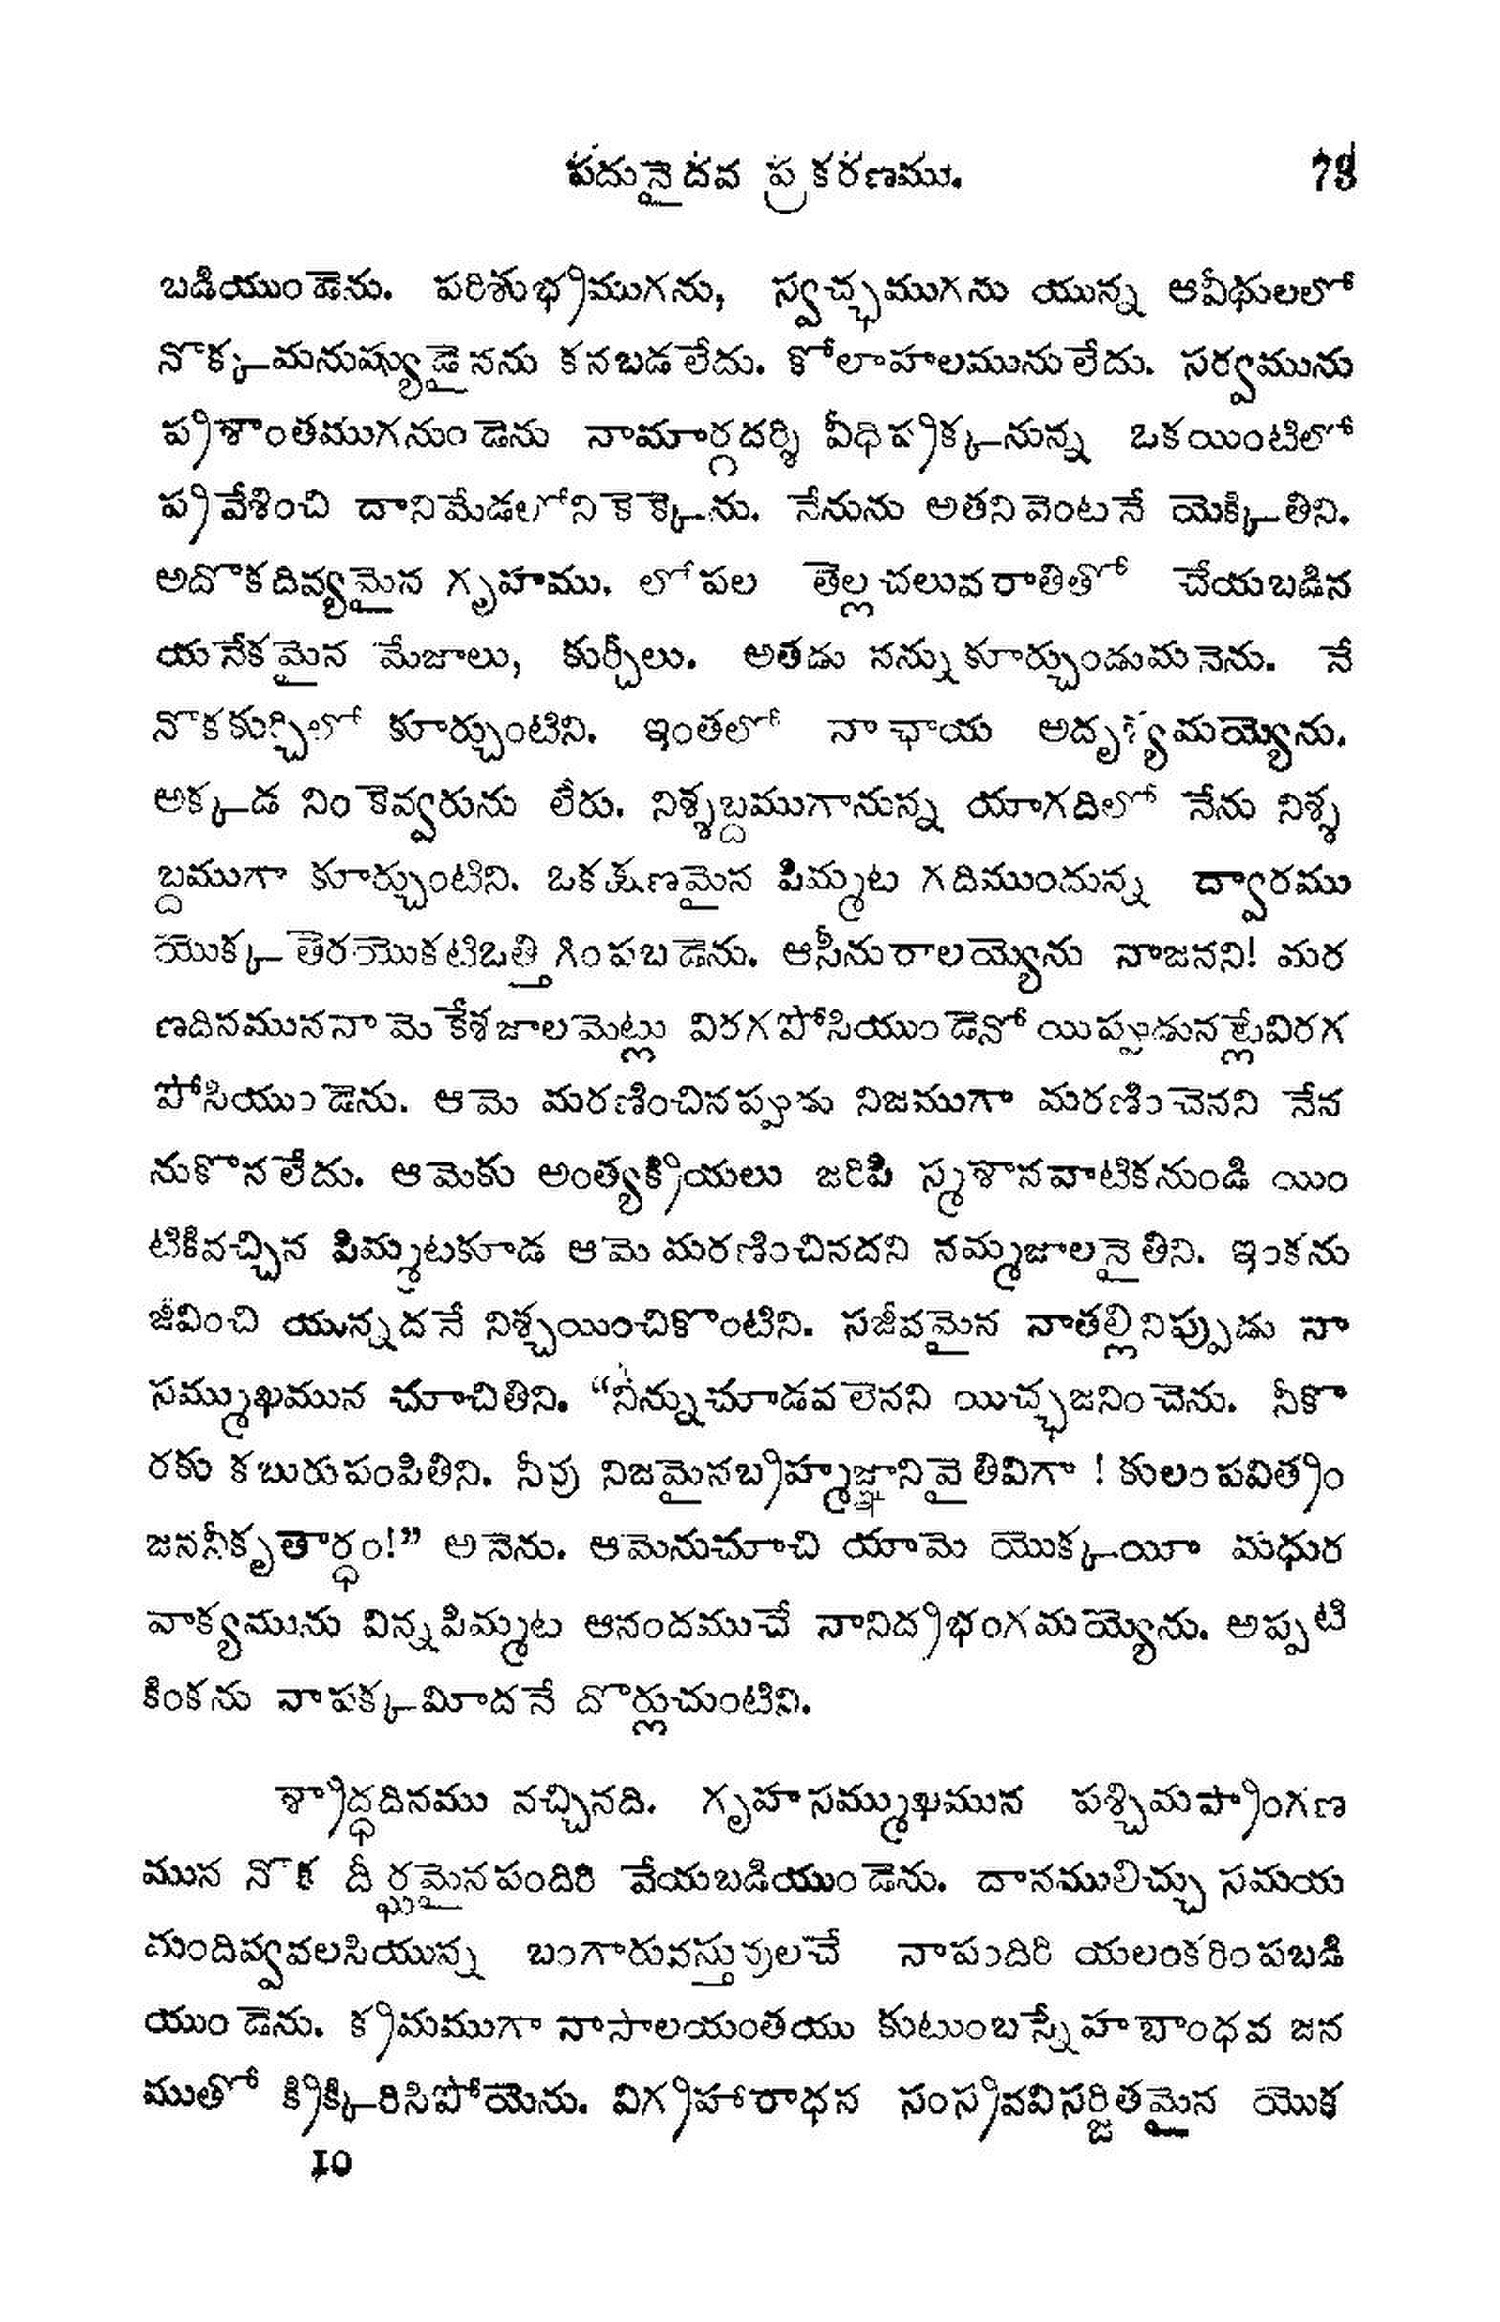బడియుం డెను. పరిశుభ్రముగను, స్వచ్ఛముగసు యున్న ఆ వీథులలో
నొక్క మనుష్యుడై నను కనబడ లేదు. కోలాహలమును లేదు.
సర్వమును ప్రశాంతముగ నుండెను నామార్గదర్శి వీధి పక్కనున్న ఒకయింటిలో
ప్రవేశించి దాని మేడలోని కెక్కెను. "నేనును అతని వెంటనే యెక్కితీని,
అదొక దివ్యమైన గృహము, లోపల తెల్ల చలువ రాతితో చేయబడిన
యనేక మైన 'మేజాలు, కుర్చీలు. అతడు నన్ను కూర్చుండు మనెను. 
నేనొక కుర్చిలో కూర్చుంటిని. ఇంతలో నా ఛాయ అదృశ్యమయ్యెను.
అక్కడ నింకెవ్వరును లేరు. నిశ్శబ్దముగానున్న యాగదిలో నేను నిశ్శ
జముగా కూర్చుంటిని. ఒక క్షణమైన పిమ్మట గదిముందున్న ద్వారము
యొక్క తెర యొకటి ఒత్తి గింపబడెను. ఆసీనురాలయ్యెను నాజనని! మర
ఇదినముననామె కేశ జాల మెట్లు విరగపోసి యుండెనో యిప్పుడునట్లే విరగ
పోసియుండెను. ఆమె మరణించినప్పుడు నిజముగా మరణించెనని నేన
నుకోన లేదు. ఆమెకు అంత్యక్రియలు జరిపి స్మశాన వాటిక నుండి యిం
టికి వచ్చిన పిమ్మటకూడ ఆమె మరణించినదని నమ్మజాల నైతిని. ఇంకను
జీవించి యున్నదనే నిశ్చయించికొంటిని. సజీవమైన నాతల్లి నిప్పుడు నా
సమ్ముఖమున చూచితిని. “నిన్ను చూడవలెనని యిచ్ఛజనించెను. నీకొ
రకు కబురుపంపితిని. నీవు నిజమైన బ్రహ్మజ్ఞాని వైతివిగా ! కులం పవిత్రం
జననీ కృతార్ధం!” అనెను. ఆమెను చూచి యామె యొక్క యీమధుర
వాక్యమును విన్న పిమ్మట ఆనందముచే నానిద్ర భంగమయ్యెను. అప్పటి
కింకను నాపక్క మీదనే దొర్లుచుంటిని.

శ్రాద్ధ దినము నచ్చినది. గృహ సమ్ముఖమున పశ్చిమ ప్రాంగణమున 
నొక దీర్ఘమైన పందిరి వేయబడియుండెను. దానములిచ్చు సమయ
మందివ్వవలసియున్న బంగారువస్తువులచే నాపందిరి యలంకరింపబడి
యుండెను. క్రమముగా నాసాలయంతయు కుటుంబ స్నేహ బాంధవ జనముతో
కిక్కిరిసిపోయెను. విగ్రహారాధన సంస్రవవిసర్జితమైన యొక